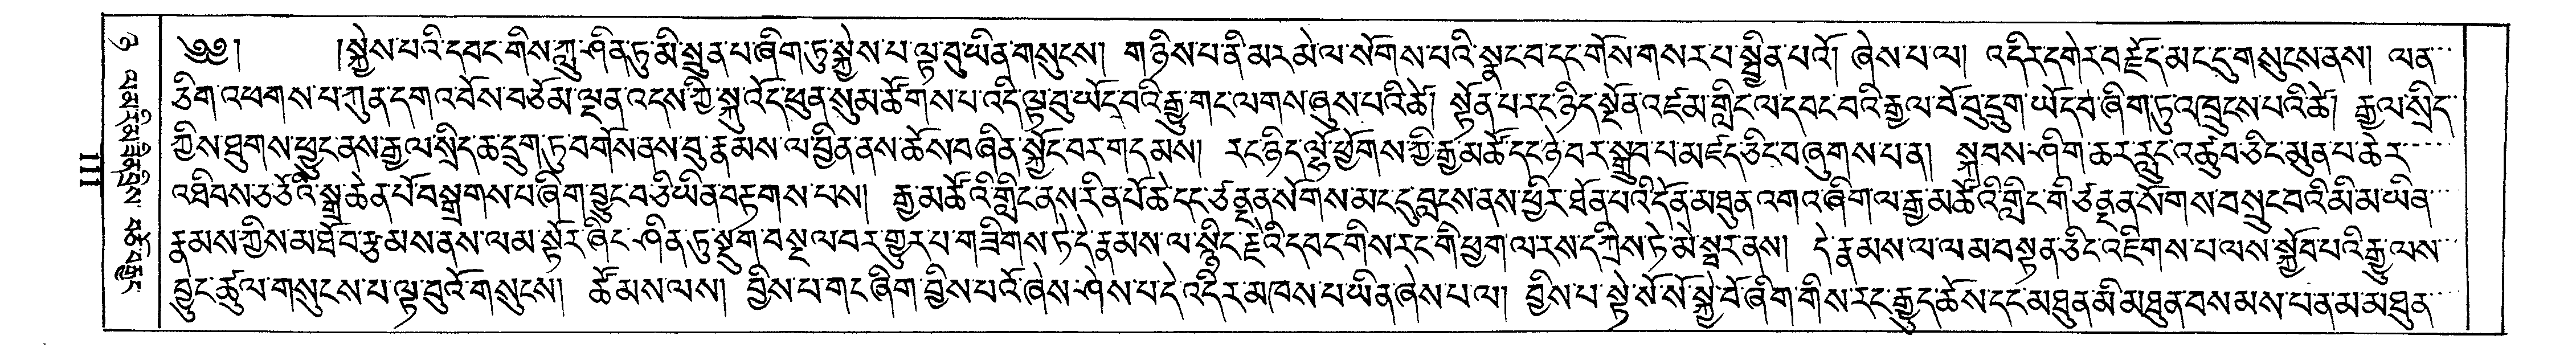༄༅། །སྐྱེས་པའི་དབང་གིས་ཀླུ་ཤིན་ཏུ་མི་སྲུན་པ་ཞིག་ཏུ་སྐྱེས་པ་ལྟ་བུ་ཡིན་གསུངས། གཉིས་པ་ནི་མར་མེ་ལ་སོགས་པའི་སྣང་བ་དང་གོས་གསར་པ་སྦྱིན་པའོ། ཞེས་པ་ལ། འདིར་དཔེར་བརྗོད་མང་དུ་གསུངས་ནས། ལན་
ཅིག་འཕགས་པ་ཀུན་དགའ་བོས་བཅོམ་ལྡན་འདས་ཀྱི་སྐུ་འོད་ཕུན་སུམ་ཚོགས་པ་འདི་ལྟ་བུ་ཡོང་བའི་རྒྱུ་གང་ལགས་ཞུས་པའི་ཚེ། སྟོན་པ་རང་ཉིད་སྔོན་འཛམ་གླིང་ལ་དབང་བའི་རྒྱལ་པོ་བུ་དྲུག་ཡོད་པ་ཞིག་ཏུ་འཁྲུངས་པའི་ཚེ། རྒྱལ་སྲིད་
ཀྱིས་ཐུགས་ཕྱུང་ནས་རྒྱལ་སྲིད་ཆ་དྲུག་ཏུ་བགོས་ནས་བུ་རྣམས་ལ་བྱིན་ནས་ཆོས་བཞིན་སྐྱོང་བར་གདམས། རང་ཉིད་ལྷོ་ཕྱོགས་ཀྱི་རྒྱ་མཚོ་དང་ཉེ་བར་སྒྲུབ་པ་མཛད་ཅིང་བཞུགས་པ་ན། སྐབས་ཤིག་ཆར་རླུང་འཚུབ་ཅིང་མུན་པ་ཆེར་
འཐིབས་ཅ་ཅོའི་སྒྲ་ཆེན་པོ་བསྒྲགས་པ་ཞིག་བྱུང་པ་ཅི་ཡིན་བརྟགས་པས། རྒྱ་མཚོའི་གླིང་ནས་རིན་པོ་ཆེ་དང་ཙནྡན་སོགས་མང་དུ་བླངས་ནས་ཕྱིར་ཐོན་པའི་དོན་མཐུན་འགའ་ཞིག་ལ་རྒྱ་མཚོའི་གླིང་གི་ཙནྡན་སོགས་བསྲུང་བའི་མི་མ་ཡིན་
རྣམས་ཀྱིས་མཐོ་བརྩམས་ནས་ལམ་སྟོར་ཞིང་ཤིན་ཏུ་སྡུག་བསྔལ་བར་གྱུར་པ་གཟིགས་ཏེ་དེ་རྣམས་ལ་སྙིང་རྗེའི་དབང་གིས་རང་གི་ཕྱག་ལ་རས་དཀྲིས་ཏེ་མེ་སྤར་ནས། དེ་རྣམས་ལ་ལམ་བསྟན་ཅིང་འཇིགས་བ་ལས་སྐྱོབ་པའི་རྒྱུ་ལས་
བྱུང་ཚུལ་གསུངས་པ་ལྟ་བུའོ་གསུངས། ཚོམས་ལས། བྱིས་པ་གང་ཞིག་བྱིས་བའོ་ཞེས་ཤེས་པ་དེ་འདིར་མཁས་པ་ཡིན་ཞེས་པ་ལ། བྱིས་པ་སྟེ་སོ་སོ་སྐྱེ་བོ་ཞིག་གིས་རང་རྒྱུད་ཆོས་དང་མཐུན་མི་མཐུན་བསམས་བ་ན་མི་མཐུན་